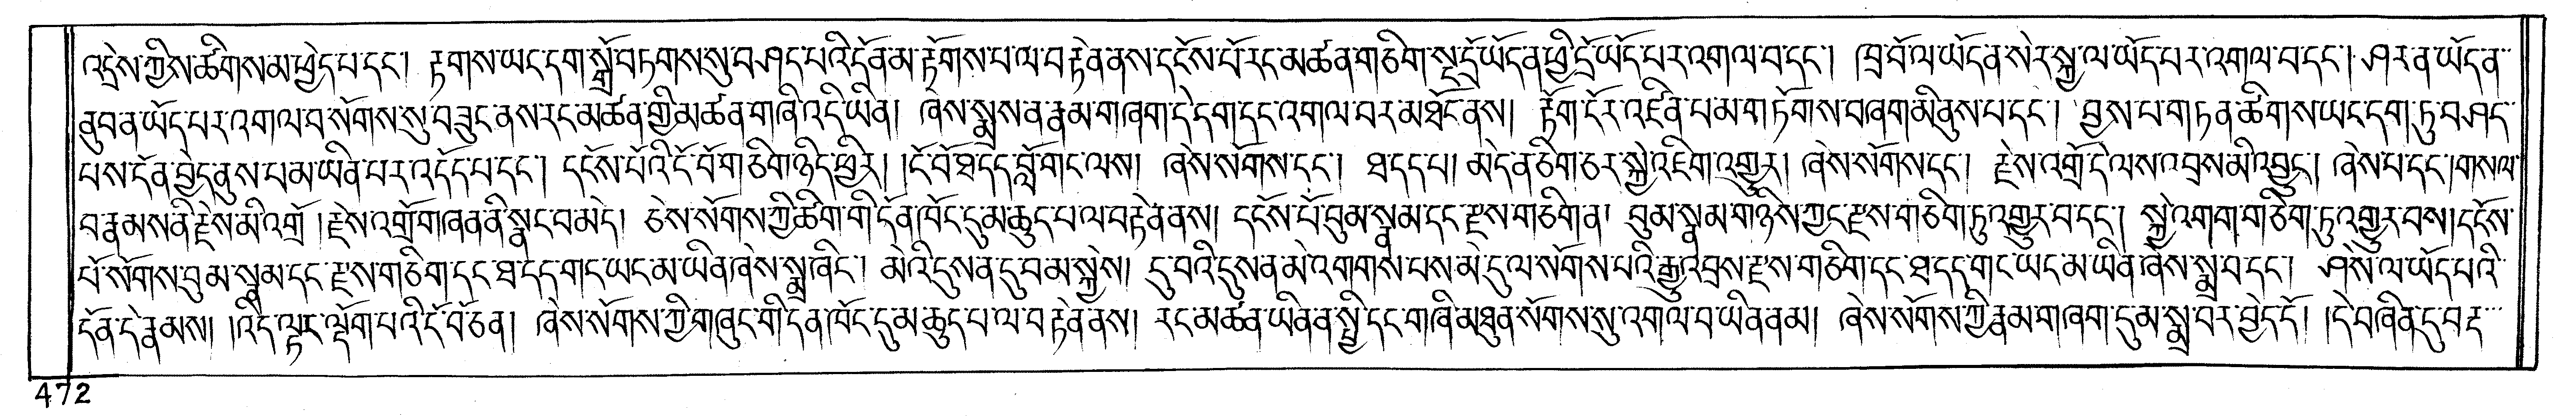འདྲེས་ཀྱི་ས་ཚིགས་མ་ཕྱེད་པ་དང་། རྟགས་ཡང་དག་སྒྲོ་བཏགས་སུ་བཤད་པའི་དོན་མ་རྟོགས་པ་ལ་བརྟེན་ནས་དངོས་པོ་རང་མཚན་གཅིག་སྔ་དྲོ་ཡོད་ན་ཕྱི་དྲོ་ཡོད་པར་འགལ་བ་དང་། ཁྲ་བོ་ལ་ཡོད་ན་སེར་སྐྱ་ལ་ཡོད་པར་འགལ་བ་དང་། ཤར་ན་ཡོད་ན་
ནུབ་ན་ཡོད་བར་འགལ་བ་སོགས་སུ་བཟུང་ནས་རང་མཚན་གྱི་མཚན་གཞི་འདི་ཡིན། ཞེས་སྨྲས་ན་རྣམ་གཞག་དེ་དག་དང་འགལ་བར་མཐོང་ནས། རྟོག་ངོར་འཛིན་པ་མ་གཏོགས་བཞག་མི་ནུས་པ་དང་། བྱས་པ་གཏན་ཚིགས་ཡང་དག་ཏུ་བཤད་
པས་དོན་བྱེད་ནུས་པ་མ་ཡིན་པར་འདོད་པ་དང་། དངོས་པོའི་ངོ་བོ་གཅིག་ཉིད་ཕྱིར། །ངོ་བོ་ཐ་དད་བློ་གང་ལས། ཞེས་སོགས་དང་། ཐ་དད་པ། མེད་ན་ཅིག་ཅར་སྐྱེ་འཇིག་འགྱུར། ཞེས་སོགས་དང་། རྗེས་འགྲོ་དེ་ལས་འབྲས་མི་འབྱུང་། ཞེས་པ་དང་། གསལ་
བ་རྣམས་ནི་རྗེས་མི་འགྲོ་།རྗེས་འགྲོ་གཞན་ནི་སྣང་བ་མེད། ཅེས་སོགས་ཀྱི་ཚིག་གི་དོན་ཁོང་དུ་མ་ཆུད་པ་ལ་བརྟེན་ནས། དངོས་པོ་བུམ་སྣམ་དང་རྫས་གཅིག་ན། བུམ་སྣམ་གཉིས་ཀྱང་རྫས་གཅིག་ཏུ་འགྱུར་བ་དང་། སྐྱེ་འགག་གཅིག་ཏུ་འགྱུར་བས། དངོས་
པོ་སོགས་བུམ་སྣམ་དང་རྫས་གཅིག་དང་ཐ་དད་གང་ཡང་མ་ཡིན་ཞེས་སྨྲ་ཞིང་། མེའི་དུས་ན་དུ་བ་མ་སྐྱེས། དུ་བའི་དུས་ན་མེ་འགགས་པས་མེ་དུ་ལ་སོགས་པའི་རྒྱུ་འབྲས་རྫས་གཅིག་དང་ཐ་དད་གང་ཡང་མ་ཡིན་ཞེས་སྨྲ་བ་དང་། ཤེས་ལ་ཡོད་པའི་
དོན་དེ་རྣམས། །འདི་ལྟར་ལྡོག་པའི་ངོ་བོ་ཅན། ཞེས་སོགས་ཀྱི་གཞུང་གི་དོན་ཁོང་དུ་མ་ཆུད་པ་ལ་བརྟེན་ནས། རང་མཚན་ཡིན་ན་སྤྱི་དང་གཞི་མཐུན་སོགས་སུ་འགལ་བ་ཡིན་ནམ། ཞེས་སོགས་ཀྱི་རྣམ་གཞག་དུ་མ་སྨྲ་བར་བྱེད་དོ། །དེ་བཞིན་དུ་བརྡ་